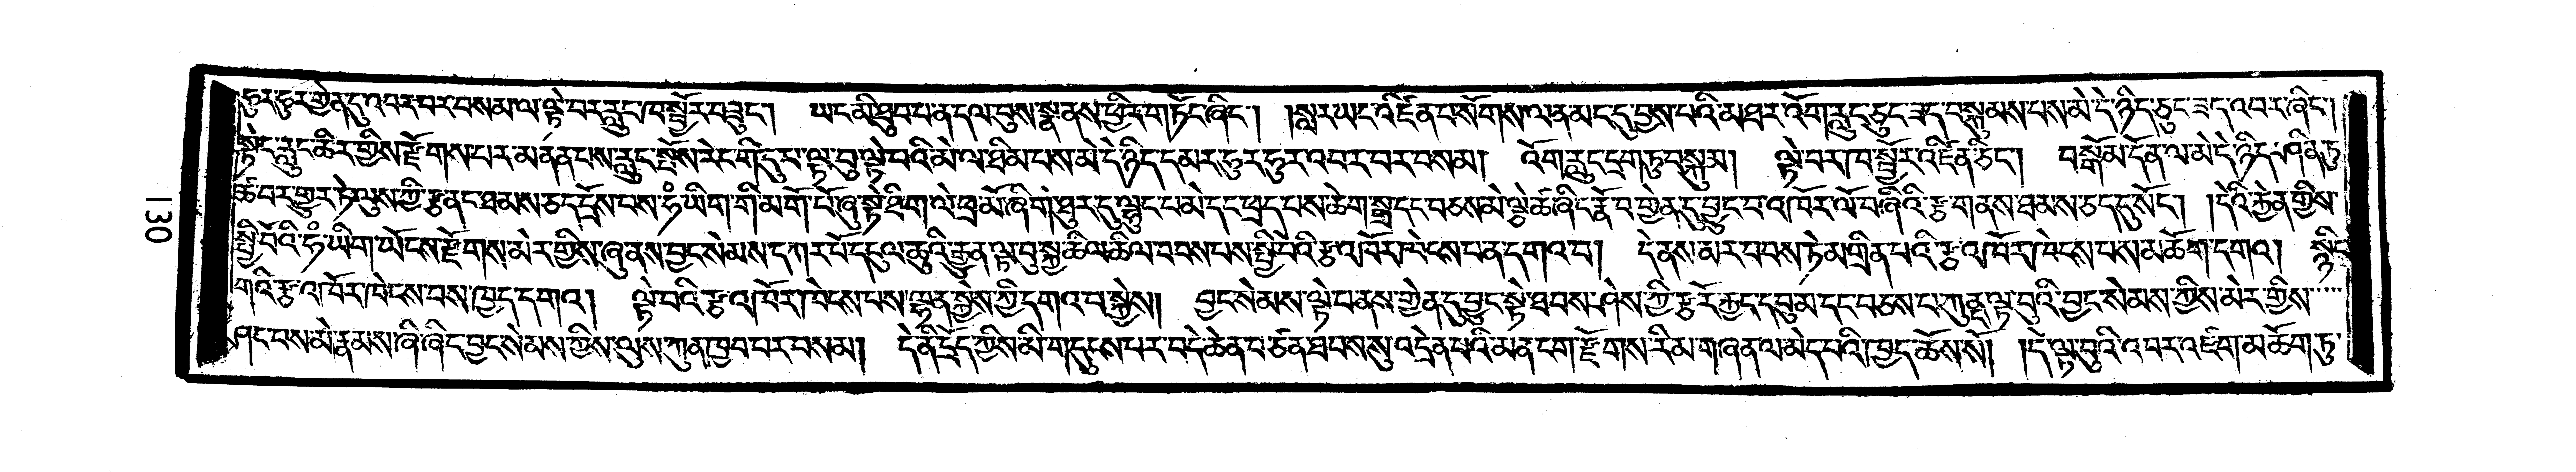ཧུར་ཧུར་ནང་དུ་འབར་བར་བསམས་ལ་ལྟེ་བར་རླུང་ཁ་སྦྱོར་བ་ཟུང་། ཡང་མི་ཐུབ་པ་ན་དལ་བུས་སྣ་ནས་ཕྱིར་གཏོང་ཞིང་། སླར་ཡང་འཛིན་པ་སོགས་ལན་མང་དུ་བྱས་པའི་མཐར་འོག་རླུང་ཅུང་ཟད་བསྐུམས་པས་མེ་དེ་ཉིད་ཅུང་ཟད་འབར་ཞིང་།
སྟེང་རླུང་ཆིར་གྱིས་རྫོགས་པར་མནན་པས་རླུང་སྦོས་རེང་གི་དུ་བ་ལྟ་བུ་ལྡེ་བའི་མེ་ལ་ཐིམ་པས་མེ་དེ་ཉིད་དམར་ཧུར་ཧུར་འབར་བར་བསམ། འོག་རླུང་དྲག་ཏུ་བསྐུམ། ལྟེ་བར་ཁ་སྦྱོར་འཛིན་ཅིང་། བསྒོམ་དོན་ལ་མེ་དེ་ཉིད་ཤིན་ཏུ་
ཚ་བར་གྱུར་ཏེ་ལུས་ཀྱི་རྩ་ནང་ཐམས་ཅད་དྲོས་པས་ཧཾ་ཡིག་གི་མགོ་བོ་ཞུ་སྟེ་ཐིག་ལེ་ཕྲ་མོ་ཞིག་ཐུར་དུ་ལྷུང་བ་མེ་དང་ཕྲད་པས་ཚེ་སྒྲ་དང་བཅས་མེ་ལྕེ་ཚ་ཞིང་རྣོ་བ་གྱེན་དུ་བྱུང་བ་འཁོར་ལོ་བཞིའི་རྩ་གནས་ཐམས་ཅད་དུ་སོང་། དེའི་རྐྱེན་གྱིས་
སྤྱི་བོའི་ཧཾ་ཡིག་ཡོངས་རྫོགས་མེར་གྱིས་ཞུ་ནས་བྱང་སེམས་དཀར་པོ་དངུལ་ཆུའི་རྒྱུན་ལྟ་བུ་སྐྱ་ཆིལ་ཆིལ་བབས་པས་སྤྱི་བོའི་རྩ་འཁོར་ཁེངས་པ་ན་དགའ་བ། དེ་ནས་མར་བབས་ཏེ་མགྲིན་པའི་རྩ་འཁོར་ཁེངས་པས་མཆོག་དགའ། སྙིང་
གའི་རྩ་འཁོར་ཁེངས་པས་ཁྱད་དགའ། ལྟེ་བའི་རྩ་འཁོར་ཁེངས་པས་ལྷན་སྐྱེས་ཀྱི་དགའ་བ་སྐྱེས། བྱང་སེམས་ལྟེ་བ་ནས་གྱེན་དུ་བྱུང་སྟེ་ཐབས་ཤེས་ཀྱི་རྩ་རོ་རྐྱང་དབུ་མ་དང་བཅས་པ་ཀུནྡ་ལྟ་བུའི་བྱང་སེམས་ཀྱིས་མེར་གྱིས་
གང་བས་མེ་རྣམས་ཞི་ཞིང་བྱང་སེམས་ཀྱིས་ལུས་ཀུན་ཁྱབ་པར་བསམ། དེ་ནི་དྲོད་ཀྱིས་མི་གདུངས་པར་བདེ་ཆེན་བཙན་ཐབས་སུ་འདྲེན་པའི་མན་ངག་རྫོགས་རིམ་གཞན་ལ་མེད་པའི་ཁྱད་ཆོས་སོ། །དེ་ལྟ་བུའི་འབར་འཛག་མཆོག་ཏུ་